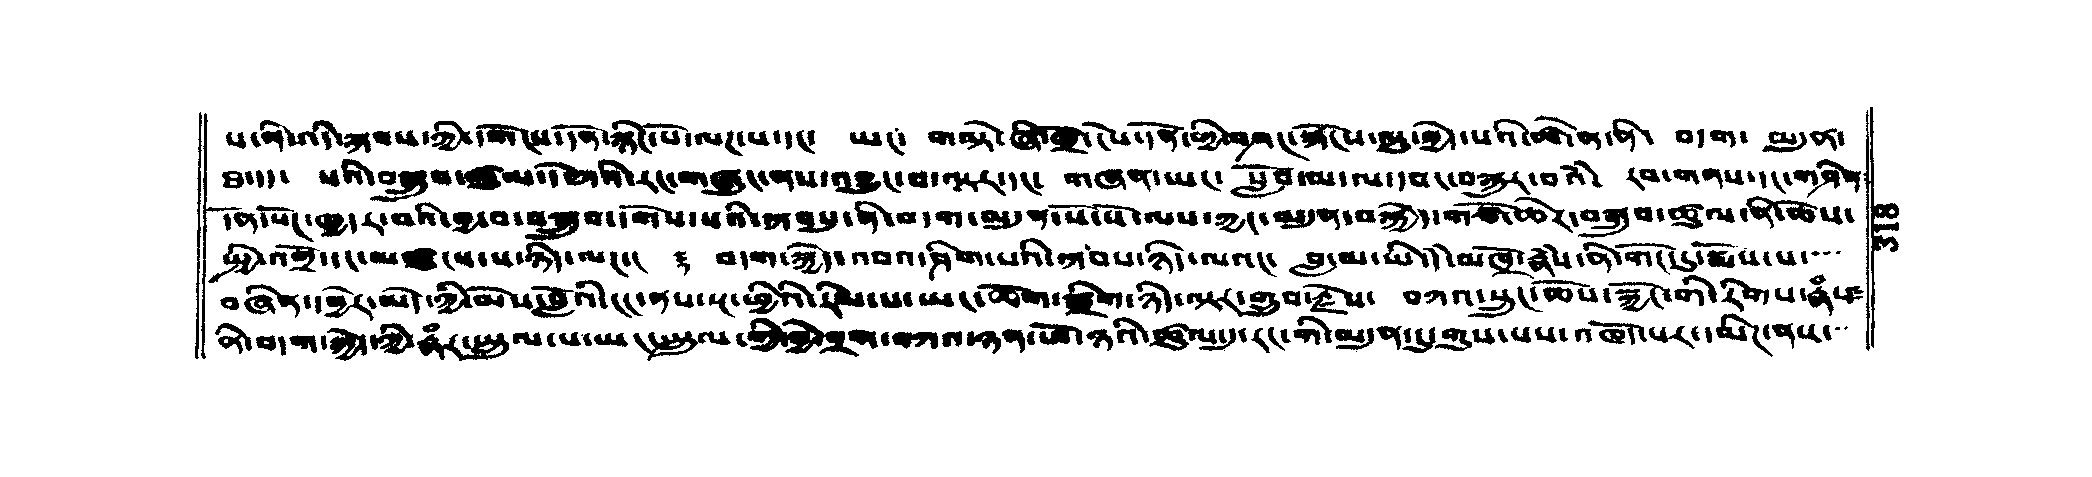པ་ནི་འདི་སྐབས་ཀྱི་དགོངས་དོན་སྙིང་པོ་ལགས་པ་དང་། ཡང་གལ་ཏེ་ཞི་ཁྲོ་ངེས་དོན་གྱི་བཤགས་སྐོངས་ལྟ་བུ་བྱེད་པའི་ཚེ་ན་ནི། བདག་མདུན་
ཐ་དད། སའི་བསྒྲུབ་ཚུལ་དེ་ཀའི་རང་གཞུང་ནས་འབྱུང་བ་ལྟར་དང་། གཞན་ཡང་། སློབ་མ་ལ་དབང་བསྐུར་བའམ། རབ་གནས་དང་གཤིན་
དོན་སོགས་ཁྱད་པར་བའི་བྱ་བ་བསྒྲུབ་དགོས་པའི་སྐབས་སུ་ནི་བདག་མདུན་སོ་སོ་ལས་ཀྱང་མདུན་བསྐྱེད་གཙོ་བོར་བསྒྲུབ་ཚུལ་ནིཆོས་
སྤྱི་འགྲོ་དང་མཚུངས་པ་ཉིད་ལགས། ༈ བདག་བསྐྱེད་འབའ་ཤིག་པའི་སྐབས་ཉིད་ལའང་། བླ་མ་ཡི་དམ་མཁའ་འགྲོ་རྣམས་ནི་གོང་དུ་སྨོས་པ་
བཞིན་དབྱེར་མེད་ཀྱི་མོས་བློའི་ངང་ནས་སྔ་ཕྱིའི་རིམ་པ་ཡང་ཆོག་སྒྲིག་ཉིད་ལྟར་གྲུབ་རྗེས། བཀའ་སྲུང་ཆོས་སྐྱོང་གི་རིགས་རྣམས་
ནི་བདག་བསྐྱེད་ཀྱི་རྣམ་པར་སྤྲུལ་པ་ཡང་སྤྲུལ་གྱི་བྱེ་བྲག་བཀའ་ཉན་ཕོ་ཉའི་ཚུལ་དུ་རང་གི་མདུན་དུ་གུས་པས་འཁོད་པར་དམིགས་ནས།